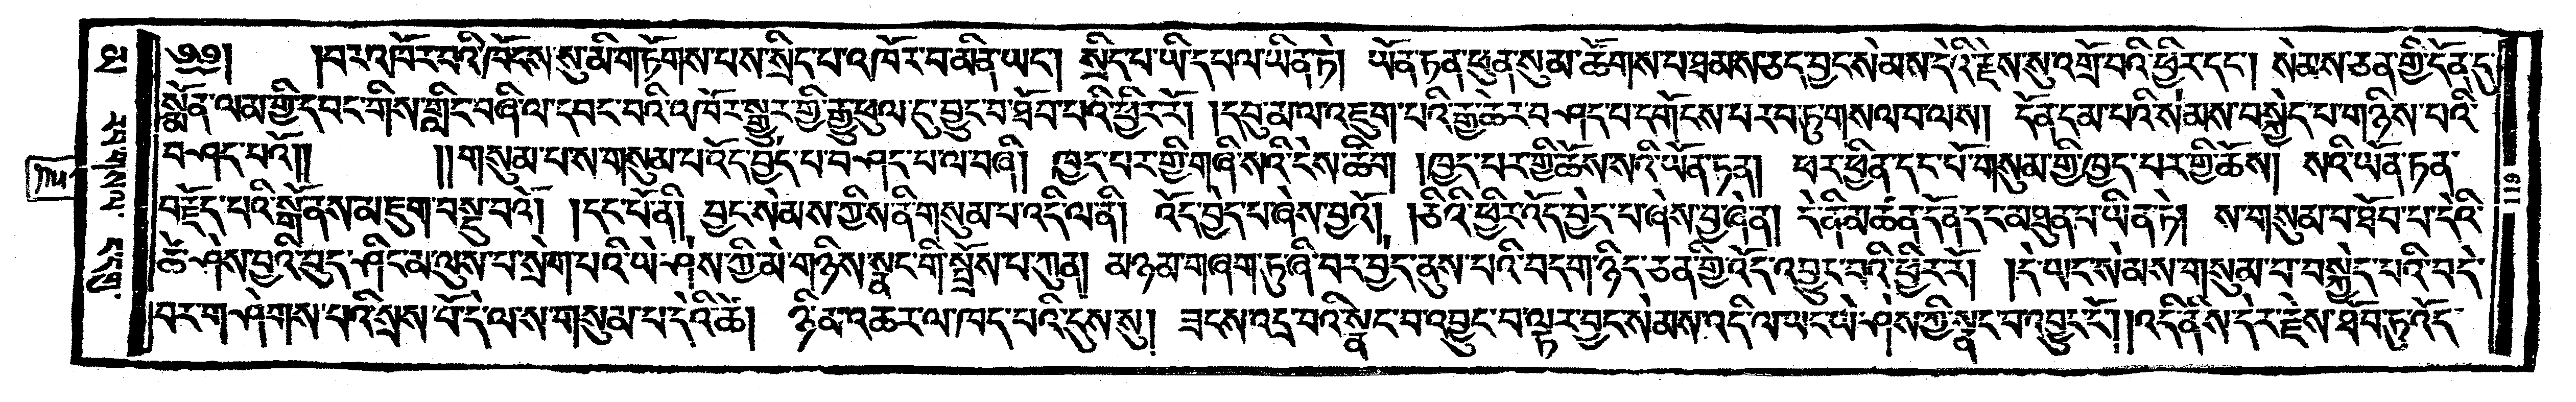༄༅། །བར་འཁོར་བའི་ཁོངས་སུ་མི་གཏོགས་པས་སྲིད་པ་འཁོར་བ་མིན་ཡང་། སྲིད་པ་ཡི་དཔལ་ཡིན་ཏེ། ཡོན་ཏན་ཕུན་སུམ་ཚོགས་པ་ཐམས་ཅད་བྱང་སེམས་དེའི་རྗེས་སུ་འགྲོ་བའི་ཕྱིར་དང་། སེམས་ཅན་གྱི་དོན་དུ་
སྨོན་ལམ་གྱི་དབང་གིས་གླིང་བཞི་ལ་དབང་བའི་འཁོར་སྒྱུར་གྱི་རྒྱུ་ཕུལ་དུ་བྱུང་བ་ཐོབ་པའི་ཕྱིར་རོ། །དབུ་མ་ལ་འཇུག་པའི་རྒྱ་ཆེར་བཤད་པ་དགོངས་པ་རབ་ཏུ་གསལ་བ་ལས། དོན་དམ་པའི་སེམས་བསྐྱེད་པ་གཉིས་པའི་
བཤད་པའོ།། །།གསུམ་པ་ས་གསུམ་པ་འོད་བྱེད་པ་བཤད་པ་ལ་བཞི། ཁྱད་པར་གྱི་གཞི་སའི་ངེས་ཚིག །ཁྱད་པར་གྱི་ཆོས་སའི་ཡོན་ཏན། ཕར་ཕྱིན་དང་པོ་གསུམ་གྱི་ཁྱད་པར་གྱི་ཆོས། སའི་ཡོན་ཏན་
བརྗོད་པའི་སྒོ་ནས་མཇུག་བསྡུ་བའོ། །དང་པོ་ནི། བྱང་སེམས་ཀྱི་ས་ནི་གསུམ་པ་འདི་ལ་ནི། འོད་བྱེད་པ་ཞེས་བྱའོ། །ཅིའི་ཕྱིར་འོད་བྱེད་པ་ཞེས་བྱ་ཞེ་ན། དེ་ནི་མཚན་དོན་དང་མཐུན་པ་ཡིན་ཏེ། ས་གསུམ་པ་ཐོབ་པ་དེའི་
ཚེ་ཤེས་བྱའི་བུད་ཤིང་མ་ལུས་པ་སྲེག་པའི་ཡེ་ཤེས་ཀྱི་མེ་གཉིས་སྣང་གི་སྤྲོས་པ་ཀུན། མཉམ་གཞག་ཏུ་ཞི་བར་བྱེད་ནུས་པའི་བདག་ཉིད་ཅན་གྱི་འོད་འབྱུང་བའི་ཕྱིར་རོ། །དེ་ཡང་སེམས་གསུམ་པ་བསྐྱེད་པའི་བདེ་
བར་གཤེགས་པའི་སྲས་པོ་དེ་ལ་ས་གསུམ་པ་དེའི་ཚེ། ཉི་མ་འཆར་ལ་ཁད་པའི་དུས་སུ། ཟངས་འདྲ་བའི་སྣང་བ་འབྱུང་བ་ལྟར་བྱང་སེམས་འདི་ལ་ཡང་ཡེ་ཤེས་ཀྱི་སྣང་བ་འབྱུང་ངོ། །འདི་ནི་ས་དེར་རྗེས་ཐོབ་ཏུ་འོད་